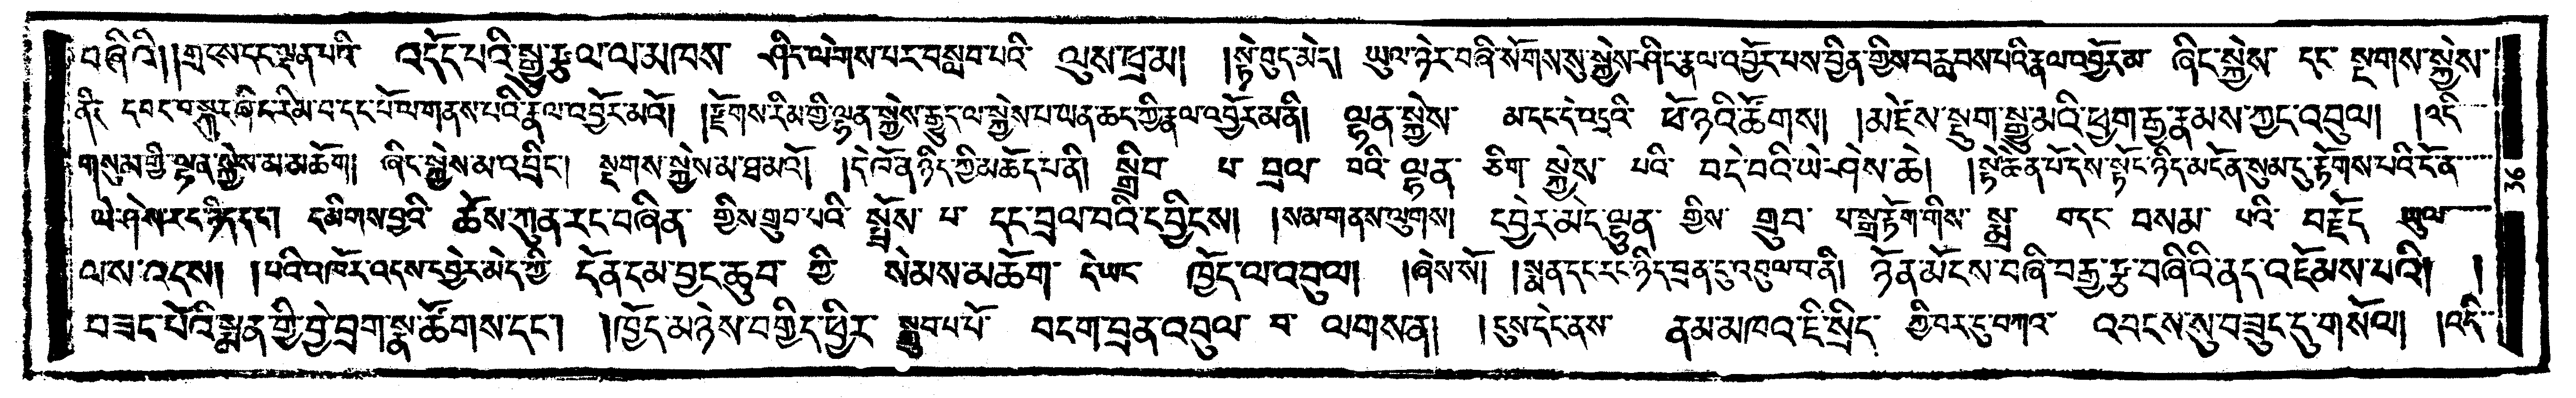བཞིའི། །གྲངས་དང་ལྡན་པའི་འདོད་པའི་སྒྱུ་རྩལ་ལ་མཁས་ཤིང་ལེགས་པར་བསླབ་པའི་ལུས་ཕྲ་མ། །སྟེ་བུད་མེད། ཡུལ་ཉེར་བཞི་སོགས་སུ་སྐྱེས་ཤིང་རྣལ་འབྱོར་པས་བྱིན་གྱིས་བརླབས་པའི་རྣལ་འབྱོར་མ་ཞིང་སྐྱེས་དང་སྔགས་སྐྱེས་
ནི༑ དབང་བསྐུར་ཞིང་རིམ་པ་དང་པོ་ལ་གནས་པའི་རྣལ་འབྱོར་མའོ། །རྫོགས་རིམ་གྱི་ལྷན་སྐྱེས་རྒྱུད་ལ་སྐྱེས་པ་ཡན་ཆད་ཀྱི་རྣལ་འབྱོར་མ་ནི། ལྷན་སྐྱེས་མ་དང་དེ་འདྲའི་ཕོ་ཉའི་ཚོགས། །མཛེས་སྡུག་སྒྱུ་མའི་ཕྱག་རྒྱ་རྣམས་ཀྱང་འབུལ། །འདི་
གསུམ་གྱི་ལྷན་སྐྱེས་མ་མཆོག། ཞིང་སྐྱེས་མ་འབྲིང་། སྔགས་སྐྱེས་མ་ཐ་མའོ། །དེ་ཁོ་ན་ཉིད་ཀྱི་མཆོད་པ་ནི། སྒྲིབ་པ་བྲལ་བའི་ལྷན་ཅིག་སྐྱེས་པའི་བདེ་བའི་ཡེ་ཤེས་ཆེ། །སྟེ་ཆེན་པོ་དེས་སྟོང་ཉིད་མངོན་སུམ་དུ་རྟོགས་པའི་དོན་
ཡེ་ཤེས་རང་ཉིད་དང་། དམིགས་བྱའི་ཆོས་ཀུན་རང་བཞིན་གྱིས་གྲུབ་པའི་སྤྲོས་པ་དང་བྲལ་བའི་དབྱིངས། །སམ་གནས་ལུགས། དབྱེར་མེད་ལྷུན་གྱིས་གྲུབ་པ་སྒྲ་རྟོག་གིས་སྨྲ་བ་དང་བསམ་པའི་བརྗོད་ཡུལ་
ལས་འདས། །པའི་འཁོར་འདས་དབྱེར་མེད་ཀྱི་དོན་དམ་བྱང་ཆུབ་ཀྱི་སེམས་མཆོག་དེ་ཡང་ཁྱོད་ལ་འབུལ། །ཞེས་སོ། །སྨན་དང་རང་ཉིད་བྲན་དུ་འབུལ་བ་ནི། ཉོན་མོངས་བཞི་བརྒྱ་རྩ་བཞིའི་ནད་འཇོམས་པའི། །
བཟང་པོའི་སྨན་གྱི་བྱེ་བྲག་སྣ་ཚོགས་དང་། །ཁྱོད་མཉེས་བགྱིད་ཕྱིར་སྒྲུབ་པ་པོ་བདག་བྲན་འབུལ་བ་ལགས་ན། །དུས་དེང་ནས་ནམ་མཁའ་ཇི་སྲིད་ཀྱི་བར་དུ་བཀའ་འབངས་སུ་བཟུང་དུ་གསོལ། །འདི་